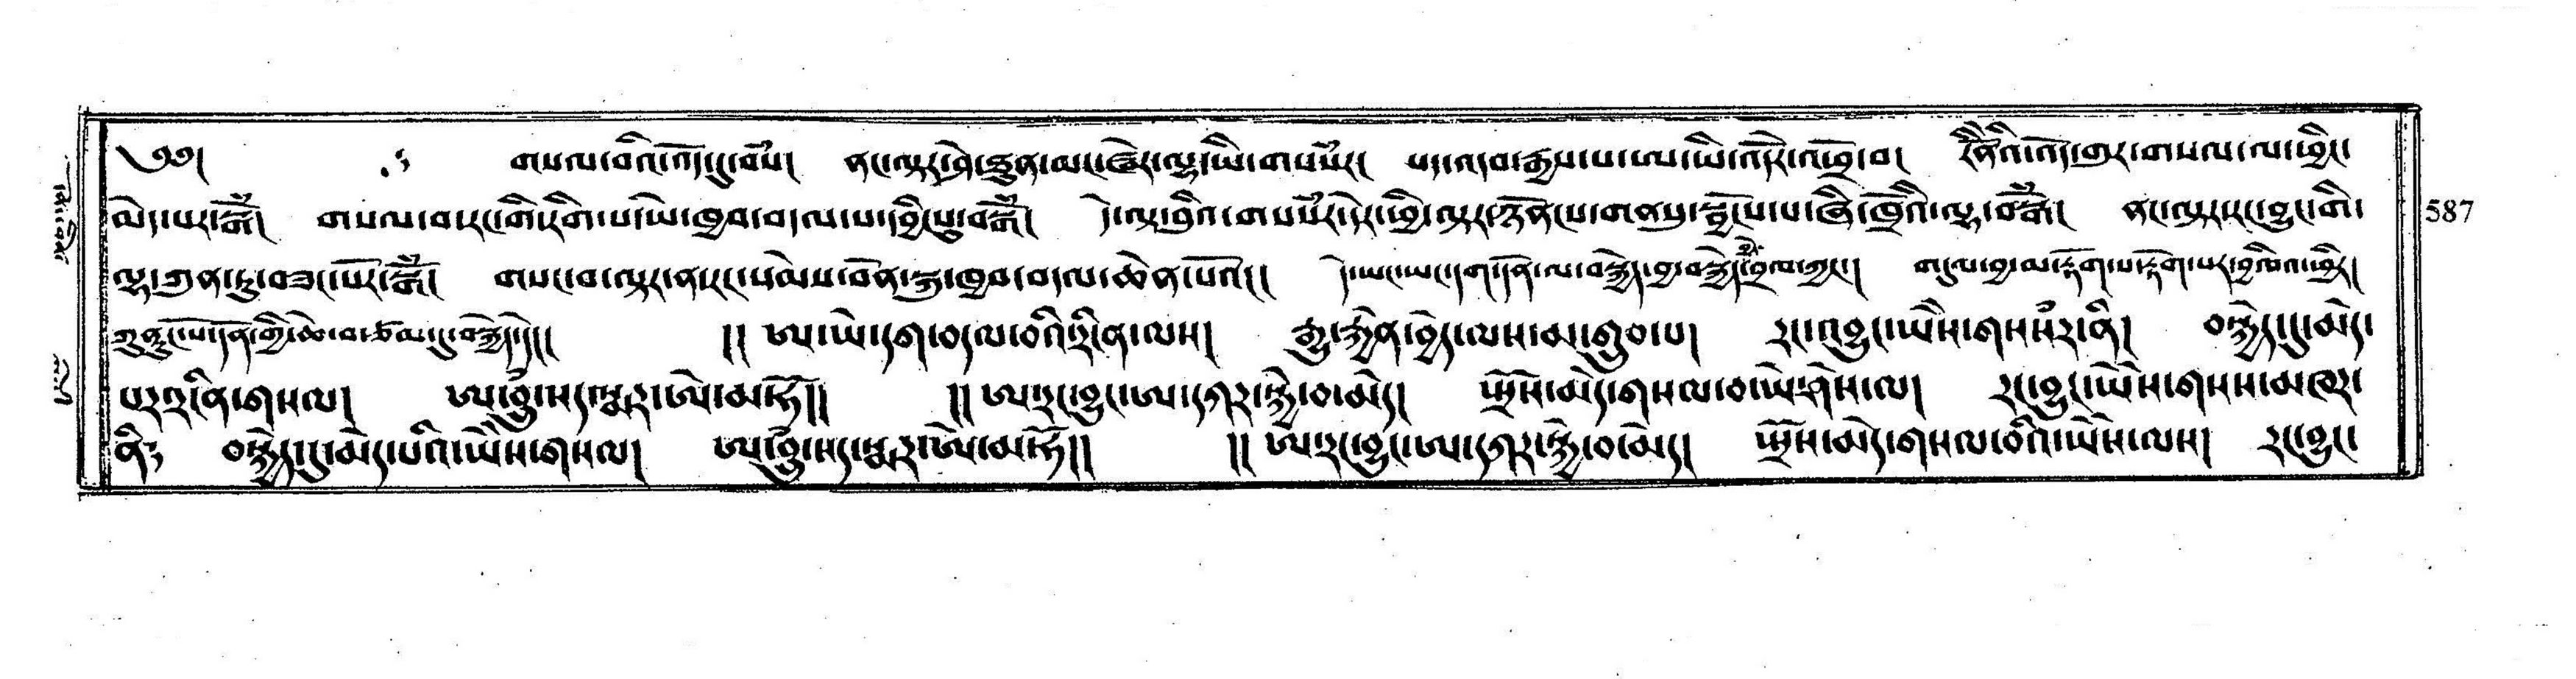གསལ་བའི་འོད་དུ་བསམ། ནང་ལྟར་ཤེ་ཐུན་མང་ཝེར་ལྷ་ཡི་གསས་མཁར། པད་འདབ་རྒྱས་པ་ཨ་ཡི་འོད་ཟེར་འཕྲོ་བ། རིན་པོ་ཆེའི་འོད་གུར་གསལ་ལ་ཕྱི་ནང་
མེད་པར་སྒོམ། གསལ་བ་རང་གི་རིག་པ་ཡེ་ཁྱབ་བདལ་པ་དབྱིངས་སུ་བསྒོམ། དེ་ལྟ་བུའི་གསས་མཁར་དེར་ཕྱི་ལྟར་ཉོན་མོངས་གནས་སུ་སྦྱོངས་པ་ཞི་ཁྲོའི་ལྷ་བསྒོམ། ནང་ལྟར་རང་བྱུང་གི་
ལྷ་ཀུན་ཏུ་བཟང་པོར་སྒོམ། གསང་བ་ལྟར་ན་རང་སེམས་བོན་སྐུ་ཁྱབ་བདལ་ཆེན་པའོ།། དེ་ཡང་ཡང་དག་དོན་ལ་བསྐྱེད་བྱ་བསྐྱེད་བྱེད་བྲལ་ཀྱང་། གདུལ་བྱ་མ་རྟོག་པ་རྟོག་པར་བྱ་བའི་ཕྱིར། 
ཀུན་ཏུ་བཟང་པོ་དོན་གྱི་ཆེ་བ་ཙམ་དུ་བསྐྱེད་དེ།། །།ཨ་ཡེ་དག་བདལ་བའི་རང་བཞིན་ལས། རྒྱུ་རྐྱེན་བྱེད་ལས་མ་གྲུབ་པ། རང་འབྱུང་ཡེ་ཤེས་གསས་མཁར་ནི། བསྐྱེད་དུ་མེད་
པར་རང་བཞིན་གསལ། ཨ་བྲུཾ་སད་སྨར་ཨེ་མ་ཧོ།། །།ཨ་རང་བྱུང་ཨ་དཀར་སྐྱེ་བ་མེད། སྤྲོས་མེད་གསལ་བ་ཡེ་ཤེས་ལ། རང་བྱུང་ཡེ་ཤེས་གསས་མཁར་
ནི། བསྐྱེད་དུ་མེད་པའི་ཡེ་ཤེས་གསལ། ཨ་བྲུཾ་སད་སྨར་ཨེ་མ་ཧོ།། །།ཨ་རང་བྱུང་ཨ་དཀར་སྐྱེ་བ་མེད། སྤྲོས་མེད་གསལ་བའི་ཡེ་ཤེས་ལས། རང་བྱུང་